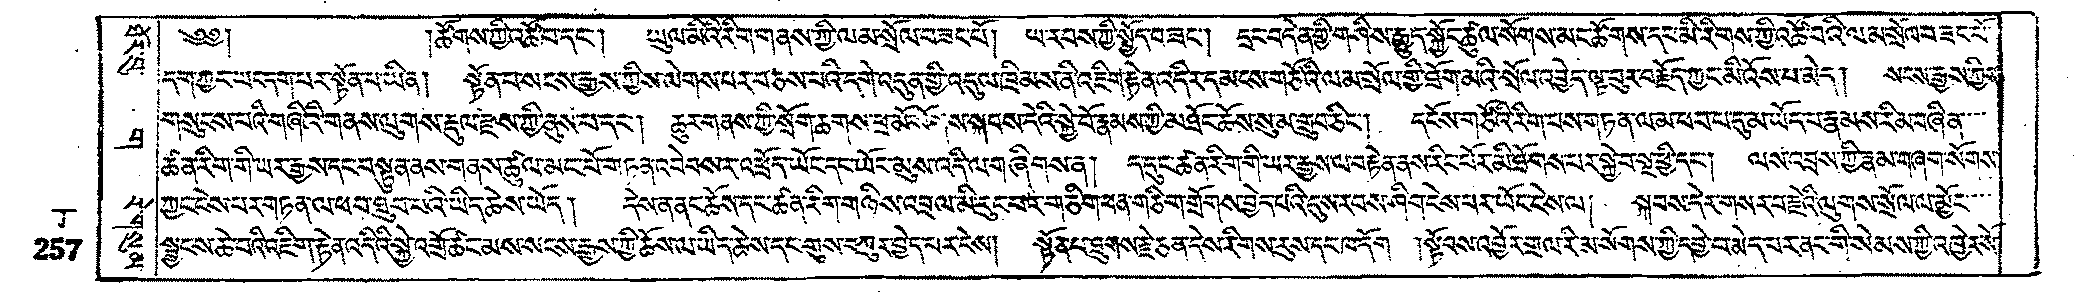༄༅། །ཚོགས་ཀྱི་འཚོ་བ་དང་། ཡུལ་མིའི་རིག་གནས་ཀྱི་ལམ་སྲོལ་བཟང་པོ། ཡ་རབས་ཀྱི་སྤྱོད་བཟང་། དྲང་བདེན་གྱི་གཤིས་རྒྱུད་སྐྱོང་ཚུལ་སོགས་མང་ཚོགས་དང་མི་རིགས་ཀྱི་འཚོ་བའི་ལམ་སྲོལ་བཟང་པོ་
དག་ཀྱང་ཡང་དག་པར་སྟོན་པ་ཡིན། སྟོན་པ་སངས་རྒྱས་ཀྱིས་ལེགས་པར་བཅས་པའི་དགེ་འདུན་གྱི་འདུལ་ཁྲིམས་ནི་འཇིག་རྟེན་འདིར་དམངས་གཙོའི་ལམ་སྲོལ་གྱི་ཐོག་མའི་སྲོལ་འབྱེད་ལྟ་བུར་བརྗོད་ཀྱང་མི་འོས་པ་མེད། སངས་རྒྱས་ཀྱིས་
གསུངས་པའི་གཞིའི་གནས་ལུགས་རྡུལ་རྫས་ཀྱི་ནུས་པ་དང་། ཆུར་གནས་ཀྱི་སྲོག་ཆགས་ཕྲ་མོ་སོགས་སྐབས་དེའི་སྐྱེ་བོ་རྣམས་ཀྱི་མཐོང་ཆོས་སུ་མ་གྲུབ་ཅིང་། དངོས་གཙོའི་རིག་པས་གཏན་ལ་མ་ཕབ་པ་དུ་མ་ཡོད་པ་རྣམས་རིམ་བཞིན་་་
ཚན་རིག་གི་ཡར་རྒྱས་དང་བསྟུན་ནས་གནས་ཚུལ་མང་པོ་གཏན་འབེབས་ར་འཕྲོད་ཡོང་དང་ཡོང་མུས་འདི་ལ་གཞིགས་ན། ད་དུང་ཚན་རིག་གི་ཡར་རྒྱས་ལ་བརྟེན་ནས་རིང་པོར་མི་ཐོགས་པར་སྐྱེ་བ་སྔ་ཕྱི་དང་། ལས་འབྲས་ཀྱི་རྣམ་གཞག་སོགས་
ཀྱང་ངེས་པར་གཏན་ལ་ཕབ་ཐུབ་པའི་ཡིད་ཆེས་ཡོད། དེས་ན་ནང་ཆོས་དང་ཚན་རིག་གཉིས་འབྲལ་མི་རུང་བར་གཅིག་ཕན་གཅིག་གྲོགས་བྱེད་པའི་དུས་རབས་ཤིག་ངེས་པར་ཡོང་ངེས་ལ། སྐབས་དེར་གསར་བརྗེའི་ལུགས་སྲོལ་ལ་མྱོང་་་
སྦྱངས་ཆེ་བའི་འཇིག་རྟེན་འདིའི་སྐྱེ་འགྲོ་ཚང་མས་སངས་རྒྱས་ཀྱི་ཆོས་ལ་ཡིད་ཆེས་དང་གུས་བཀུར་བྱེད་པར་ངེས། སྟོན་པ་ཐུགས་རྗེ་ཅན་དེས་རིགས་རུས་དང་ཁ་དོག །སྟོབས་འབྱོར་གྲལ་རིམ་སོགས་ཀྱི་དབྱེ་བ་མེད་པར་ནང་གི་སེམས་ཀྱི་འཁྱེར་སོ་